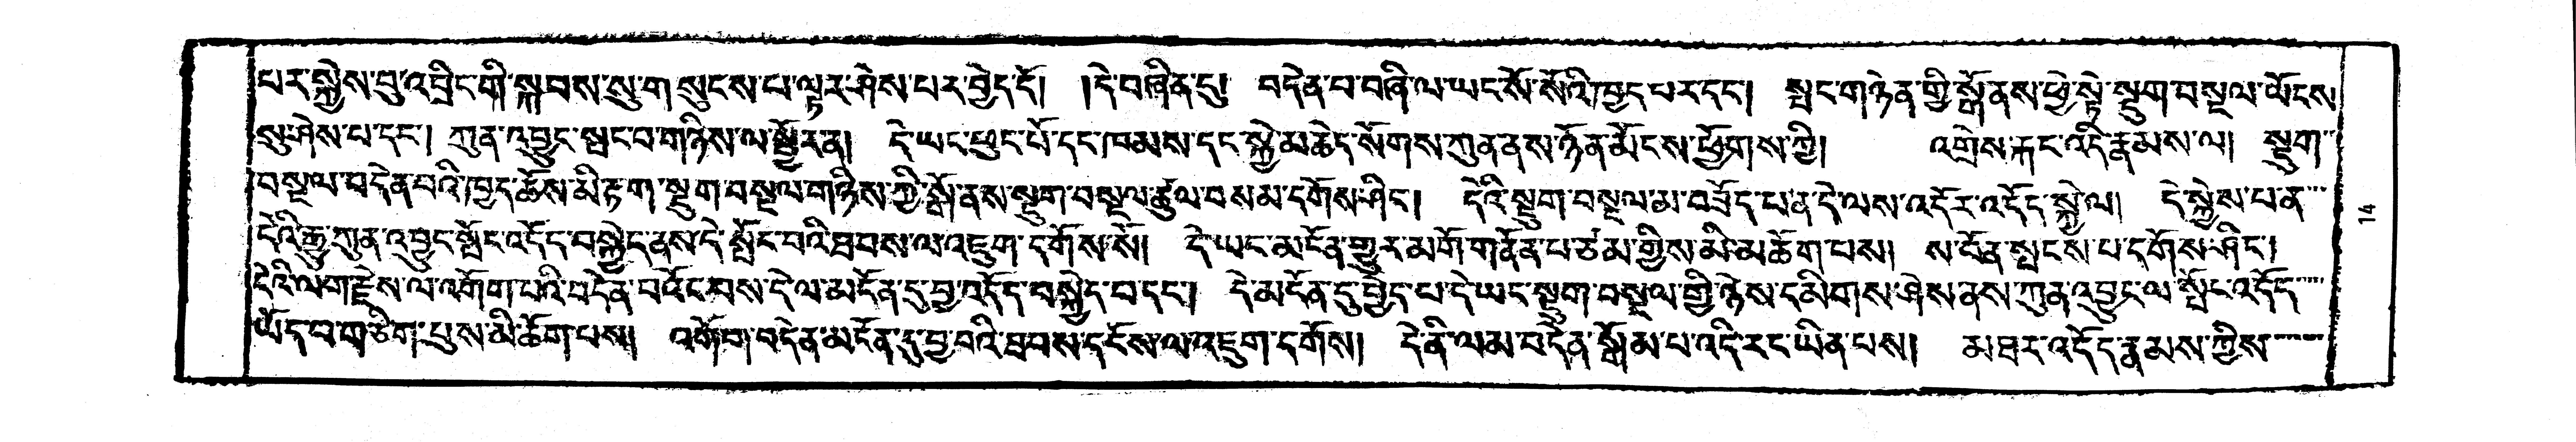པར་སྐྱེ་བུ་འབྲིང་གི་སྐབས་སུ་གསུངས་པ་ལྟར་ཤེས་པར་བྱེད་དོ། །དེ་བཞིན་དུ། བདེན་པ་བཞི་ལ་ཡང་སོ་སོའི་ཁྱད་པར་དང་། སྤང་གཉེན་གྱི་སྒོ་ནས་ཕྱེ་སྟེ་སྡུག་བསྔལ་ཡོངས་
སུ་ཤེས་པ་དང་། ཀུན་འབྱུང་སྤང་བ་གཉིས་ལ་སྦྱོར་ན། དེ་ཡང་ཕུང་པོ་དང་ཁམས་དང་སྐྱེ་མཆེད་སོགས་ཀུན་ནས་ཉོན་མོངས་ཕྱོགས་ཀྱི། འགྲེས་རྐང་འདི་རྣམས་ལ། སྡུག་
བསྔལ་བདེན་པའི་ཁྱད་ཆོས་མི་རྟག་སྡུག་བསྔལ་གཉིས་ཀྱི་སྒོ་ནས་སྡུག་བསྔལ་ཚུལ་བསམ་དགོས་ཤིང་། དེའི་སྡུག་བསྔལ་མ་བཟོད་པ་ན་དེ་ལས་འདོར་འདོད་སྐྱེ་ལ། དེ་སྐྱེས་པ་ན་
དེའི་རྒྱུ་ཀུན་འབྱུང་སྤོང་འདོད་བསྐྱེད་ནས་དེ་སྤོང་བའི་ཐབས་ལ་འཇུག་དགོས་སོ། དེ་ཡང་མངོན་གྱུར་མགོ་གནོན་པ་ཙམ་གྱིས་མི་མཆོག་པས། ས་བོན་སྤངས་པ་དགོས་ཤིང་།
དེའི་ལག་རྗེས་ལ་འགོག་པའི་བདེན་པའོང་བས་དེ་ལ་མངོན་དུ་བྱ་འདོད་བསྐྱེད་པ་དང་། དེ་མངོན་དུ་བྱེད་པ་དེ་ཡང་སྡུག་བསྔལ་གྱི་ཉེས་དམིགས་ཤེས་ནས་ཀུན་འབྱུང་ལ་སྤོང་འདོད་
ཡོད་པ་གཅིག་པུས་མི་ཆོག་པས། འགོག་བདེན་མངོན་དུ་བྱ་བའི་ཐབས་དངོས་ལ་འཇུག་དགོས། དེ་ནི་ལམ་བདེན་སྒོམ་པ་འདི་རང་ཡིན་པས། མཐར་འདོད་རྣམས་ཀྱིས་